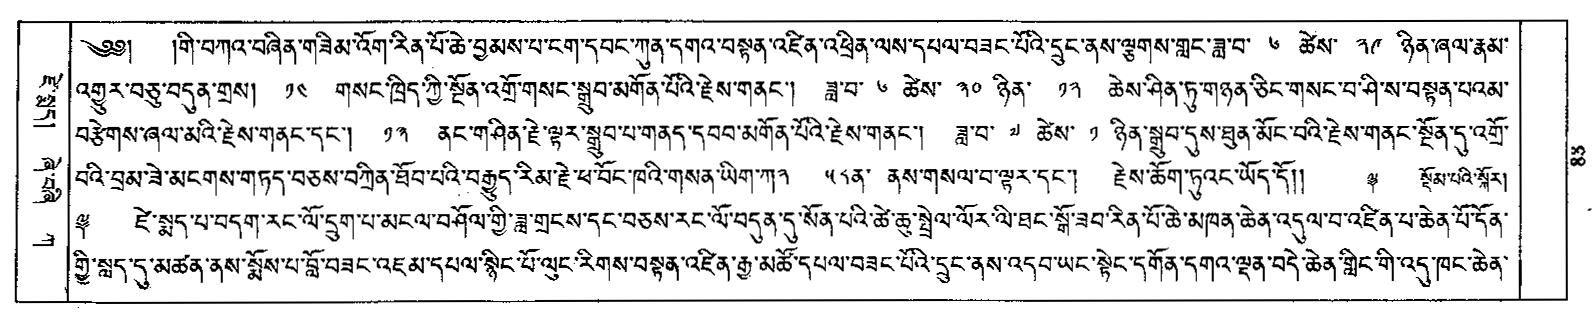༄༅། །གི་བཀའ་བཞིན་གཟིམ་འོག་རིན་པོ་ཆེ་བྱམས་པ་ངག་དབང་ཀུན་དགའ་བསྟན་འཛིན་འཕྲིན་ལས་དཔལ་བཟང་པོའི་དྲུང་ནས་ལྕགས་གླང་ཟླ་བ ༦་ཚེས ༢༩་ཉིན་ཞལ་རྣམ་
འགྱུར་བཅུ་བདུན་གྲས། ༡༤་གསང་ཁྲིད་ཀྱི་སྔོན་འགྲོ་གསང་སྒྲུབ་མགོན་པོའི་རྗེས་གནང་། ཟླ་བ ༦་ཚེས ༣༠་ཉིན ༡༢་ཆེས་ཤིན་ཏུ་གཉན་ཅིང་གསང་བ་ཤི་ས་བསྟན་པའམ་
བརྩེགས་ཞལ་མའི་རྗེས་གནང་དང་། ༡༣་ནང་གཤིན་རྗེ་ལྟར་སྒྲུབ་པ་གནད་དབབ་མགོན་པོའི་རྗེས་གནང་། ཟླ་བ ༧་ཚེས ༡་ཉིན་སྒྲུབ་དུས་ཐུན་མོང་བའི་རྗེས་གནང་སྔོན་དུ་འགྲོ་
བའི་བྲམ་ཟེ་མངགས་གཏད་བཅས་བཀྲིན་ཐོབ་པའི་བརྒྱུད་རིམ་རྗེ་ཕ་བོང་ཁའི་གསན་ཡིག་ཀ ༢ ༥༨་ན་ནས་གསལ་བ་ལྟར་དང་། རྗེས་ཆོག་ཏུའང་ཡོད་དོ།། ༈ སྡོམ་པའི་སྐོར།
༈ ཛེ་སྨད་པ་བདག་རང་ལོ་དྲུག་པ་མངལ་བཤོལ་གྱི་ཟླ་གྲངས་དང་བཅས་རང་ལོ་བདུན་དུ་སོན་པའི་ཚེ་ཆུ་སྤྲེལ་ལོར་ལི་ཐང་སྒོ་ཟབ་རིན་པོ་ཆེ་མཁན་ཆེན་འདུལ་བ་འཛིན་པ་ཆེན་པོ་དོན་
གྱི་སླད་དུ་མཚན་ནས་སྨོས་པ་བློ་བཟང་འཇམ་དཔལ་སྙིང་པོ་ལུང་རིགས་བསྟན་འཛིན་རྒྱ་མཚོ་དཔལ་བཟང་པོའི་དྲུང་ནས་འདབ་ཡང་སྟེང་དགོན་དགའ་ལྡན་བདེ་ཆེན་གླིང་གི་འདུ་ཁང་ཆེན་